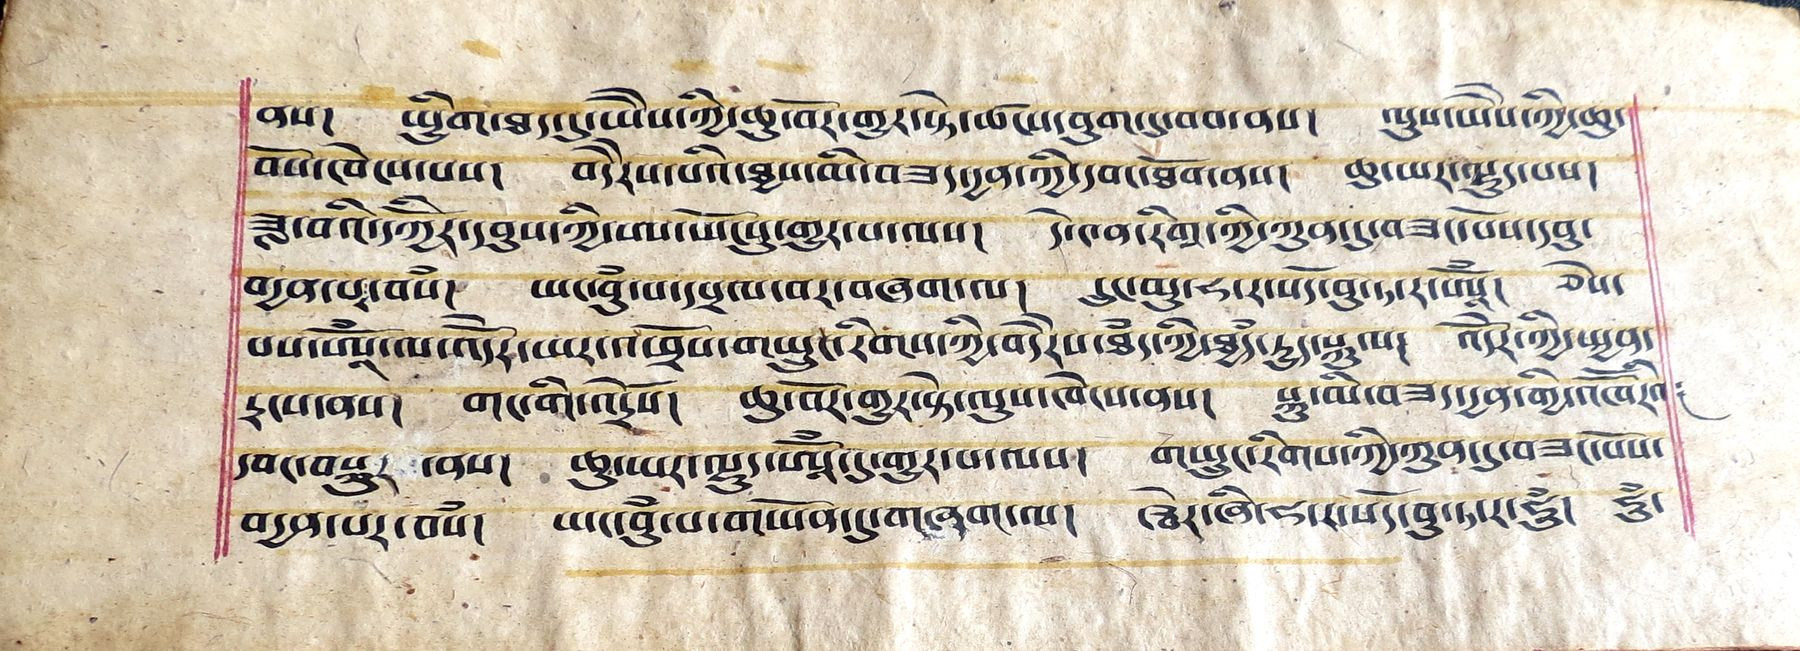སྤྱི་གཙུག་གི་ཐད་དུ་ཡེ་ཤེས་ཀྱི་ཆུ་བོར་གྱུར་ཏེ། ཚངས་བུག་ཏུ་བབས་ནས་ལུས་ཡེ་ཤེས་ཀྱི་ཆུ་
བོས་ཁེངས་པས། བདེ་བར་གཤེགས་པའི་ཐུགས་མི་ཟད་རྒྱན་གྱི་དབང་ཐོབ་ནས། ཆུ་ཡར་ལྷུད་པས། 
ཟླ་བའི་དཀྱིལ་འཁོར་གྱི་དབུས་སུ་ཨ་ཡོངས་སུ་གྱུར་པ་ལས། དེ་བཞིན་རིགས་ཀྱི་ཀུན་ཏུ་བཟང་པོས་དབུ་
ལ་བརྒྱན་པར་བསམ། འདྲེས་སོ། ། ཡང་བུམ་པ་དཔྲལ་བར་བཞག་ལ། དྲུང་མུ་ཧ་ར་སད་དོ་པུ་ཏ་ར་ཨཱོྃ། ། ཞེས་
བརྗོད་པས། ཨཱོྃ་ལས་འོད་ཟེར་ཡར་འཕྲོས། གཡུང་དྲུང་རིགས་ཀྱི་བདེ་གཤེགས་ཀྱི་ཐུགས་དམ་གྱི་རྒྱུད་བསྐུལ། འོད་ཟེར་གྱིས་སྤྱན་
དྲངས། གོང་གིས་འདྲེས་སོ། ཆུ་བོར་གྱུར་ཏེ་ལུས་ཁེངས་ནས། སྐུ་མི་ཟད་རྒྱན་གྱི་འཁོར་ལོའི་
དབང་བསྐུར་ནས། ཆུ་ཡར་ལྷུད་ཨཱོྃ་དུ་གྱུར་པ་ལས། གཡུང་དྲུང་རིགས་ཀྱི་ཀུན་ཏུ་བཟང་པོས་
བརྒྱན་པར་བསམ། ཡང་བུམ་པ་གཡོན་དུ་བཞག་ལ། ཝེར་ཞི་ཧ་ར་སད་དོ་པུ་ཏ་ར་ཧཱུཾཿ། ཧཱུཾཿ